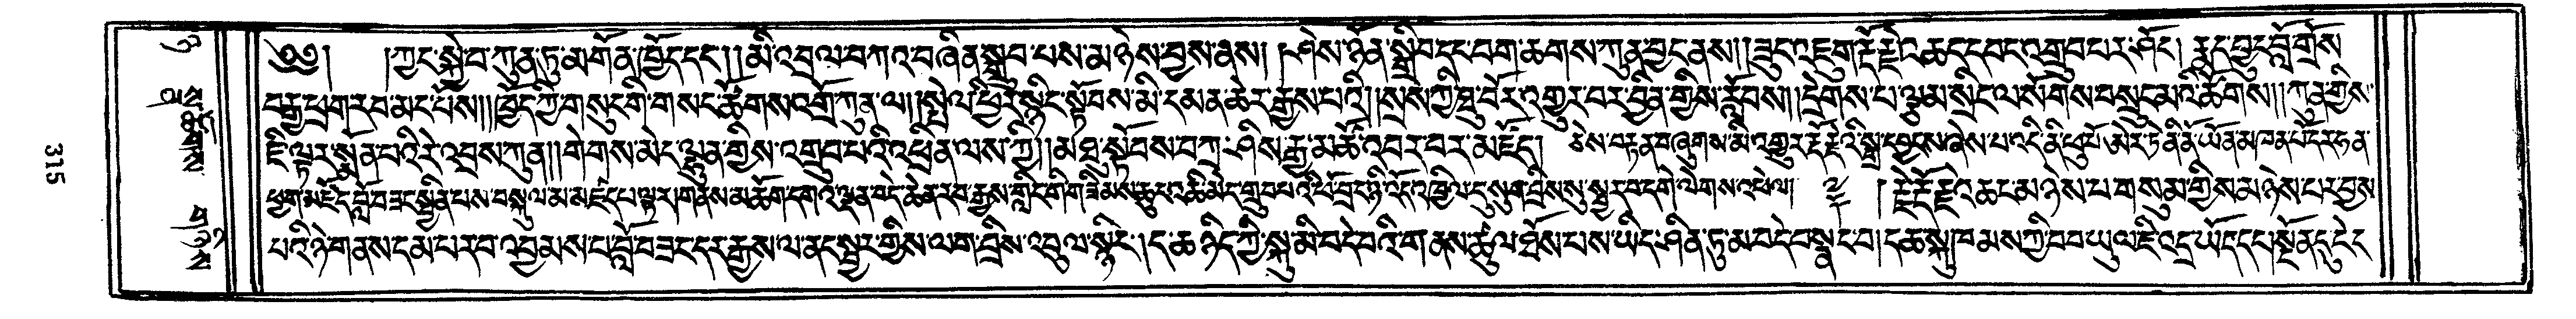༄༅། །ཀྱང་སྐྱེ་བ་ཀུན་ཏུ་མགོན་ཁྱོད་དང་། །མི་འབྲལ་བཀའ་བཞིན་སྒྲུབ་པས་མཉེས་བྱས་ནས། །ཤེས་ཉོན་སྒྲིབ་དང་བག་ཆགས་ཀུན་བྱང་ནས། །ཟུང་འཇུག་རྡོ་རྗེ་འཆང་དབང་འགྲུབ་པར་ཤོག། རྨད་བྱུང་བློ་གྲོས་
བརྒྱ་ཕྲག་རབ་མང་པོས། །ཁྱོད་ཀྱི་གསུང་གི་གསང་ཚོགས་འགྲོ་ཀུན་ལ། །སྤེལ་ཕྱིར་སྙིང་སྟོབས་མི་དམན་ཆེར་རྒྱས་པའི། །སྲས་ཀྱི་ཐུ་བོར་འགྱུར་བར་བྱིན་གྱིས་རློབས། །དྲེགས་པ་ལྕམ་སྲིང་ལ་སོགས་བསྲུང་མའི་ཚོགས། །ཀུན་གྱིས་
ཇི་ལྟར་སྨོན་པའི་རེ་འབྲས་ཀུན། །གེགས་མེད་ལྷུན་གྱིས་འགྲུབ་པའི་འཕྲིན་ལས་ཀྱི། །མཐུ་སྟོབས་བཀྲ་ཤིས་རྒྱ་མཚོ་འབར་བར་མཛོད། ཅེས་བརྟན་བཞུགས་མི་འགྱུར་རྡོ་རྗེའི་སྒྲ་དབྱངས་ཞེས་པ་འདི་ནི་ཕུ་བོ་ཨེར་ཏེ་ནི་ནོ་ཡོན་མཁན་པོ་དར་ཧན་
ཕྱག་མཛོད་བློ་བཟང་སྦྱིན་པས་བསྐུལ་མ་མཛད་པ་ལྟར། གནས་མཆོག་དགའ་ལྡན་བདེ་ཆེན་རབ་རྒྱས་གླིང་གི་གཟིམས་ཆུང་འཆི་མེད་གྲུབ་པའི་ཕོ་བྲང་ཉི་འོད་འཁྱིལ་དུ་སུག་བྲིས་སུ་སྦྱར་བ་དགེ་ལེགས་འཕེལ།། ༈ །།རྗེ་རྡོ་རྗེ་འཆང་མཉེས་པ་གསུམ་གྱིས་མཉེས་པར་བྱས་
པའི་ཉེ་གནས་དམ་པ་རབ་འབྱམས་པ་བློ་བཟང་དར་རྒྱས་ལ་ནང་སྦྱར་གྱིས་ལག་བྲིས་འབུལ་སྙིང་། ད་ཆ་ཉིད་ཀྱི་སྐུ་མི་བདེ་བའི་གནས་ཚུལ་ཐོས་པས་ཡིད་ཤིན་ཏུ་མ་བདེ་བ་སྣང་བ། ད་ཆ་སྐུ་ཁམས་ཀྱི་བབ་ཡུལ་ཇི་འདྲ་ཡོད་དང་། སྔོན་དུ་ངེད་